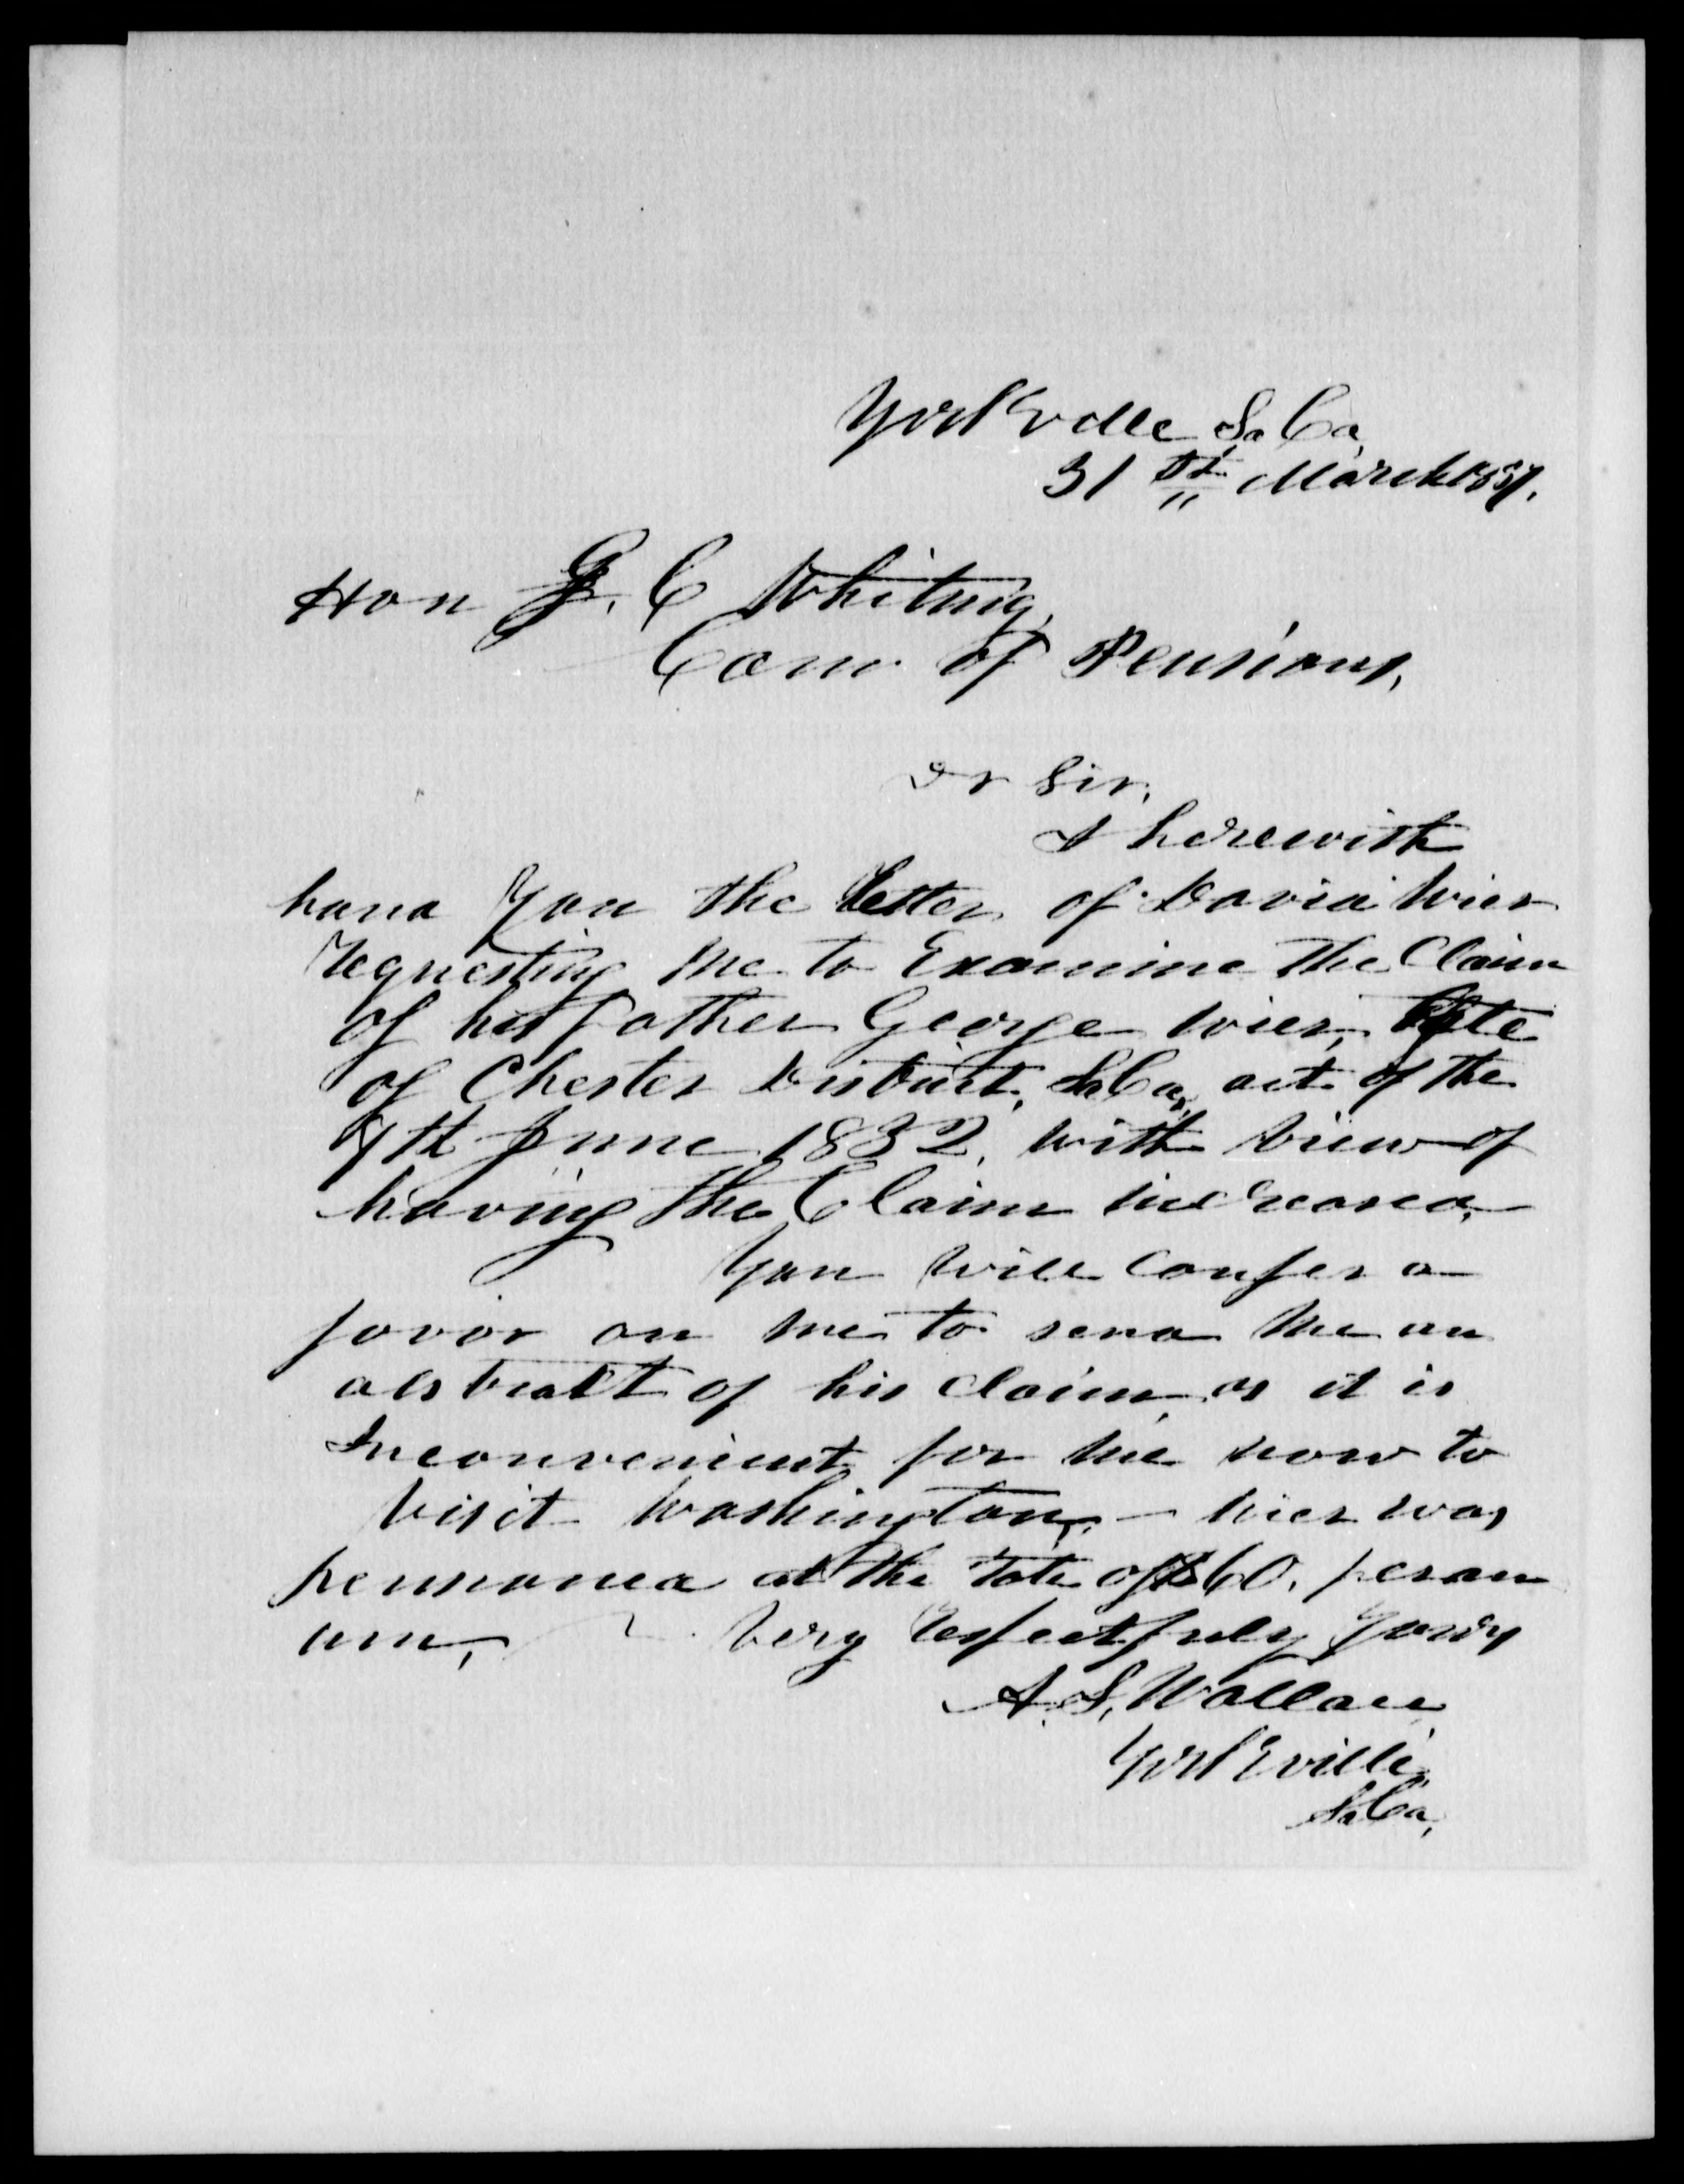Yorkville So Ca
31st March 1837,

Hon J. C Whiitng
Com of Pensions,
Dr Sir
I herewith hand you the letter of David Wier requesting me to examine the claim of his father George Wier, late of Chester Distant, an act of the 7th June, 1832, with view of having the claim be increased

You will confer a favor on me to send me an abstract of his claim as it is inconvenient for me now to
visit Washington - he was pensioned at the rate of $60 per annum

Very Respectfully yours
A. S. Wallace
Yorkville SC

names: George Wier, A S Wallace, David Wier, J C Whiting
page: 18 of 22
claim: survivor's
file: S. 9528, George Weir, S.C.